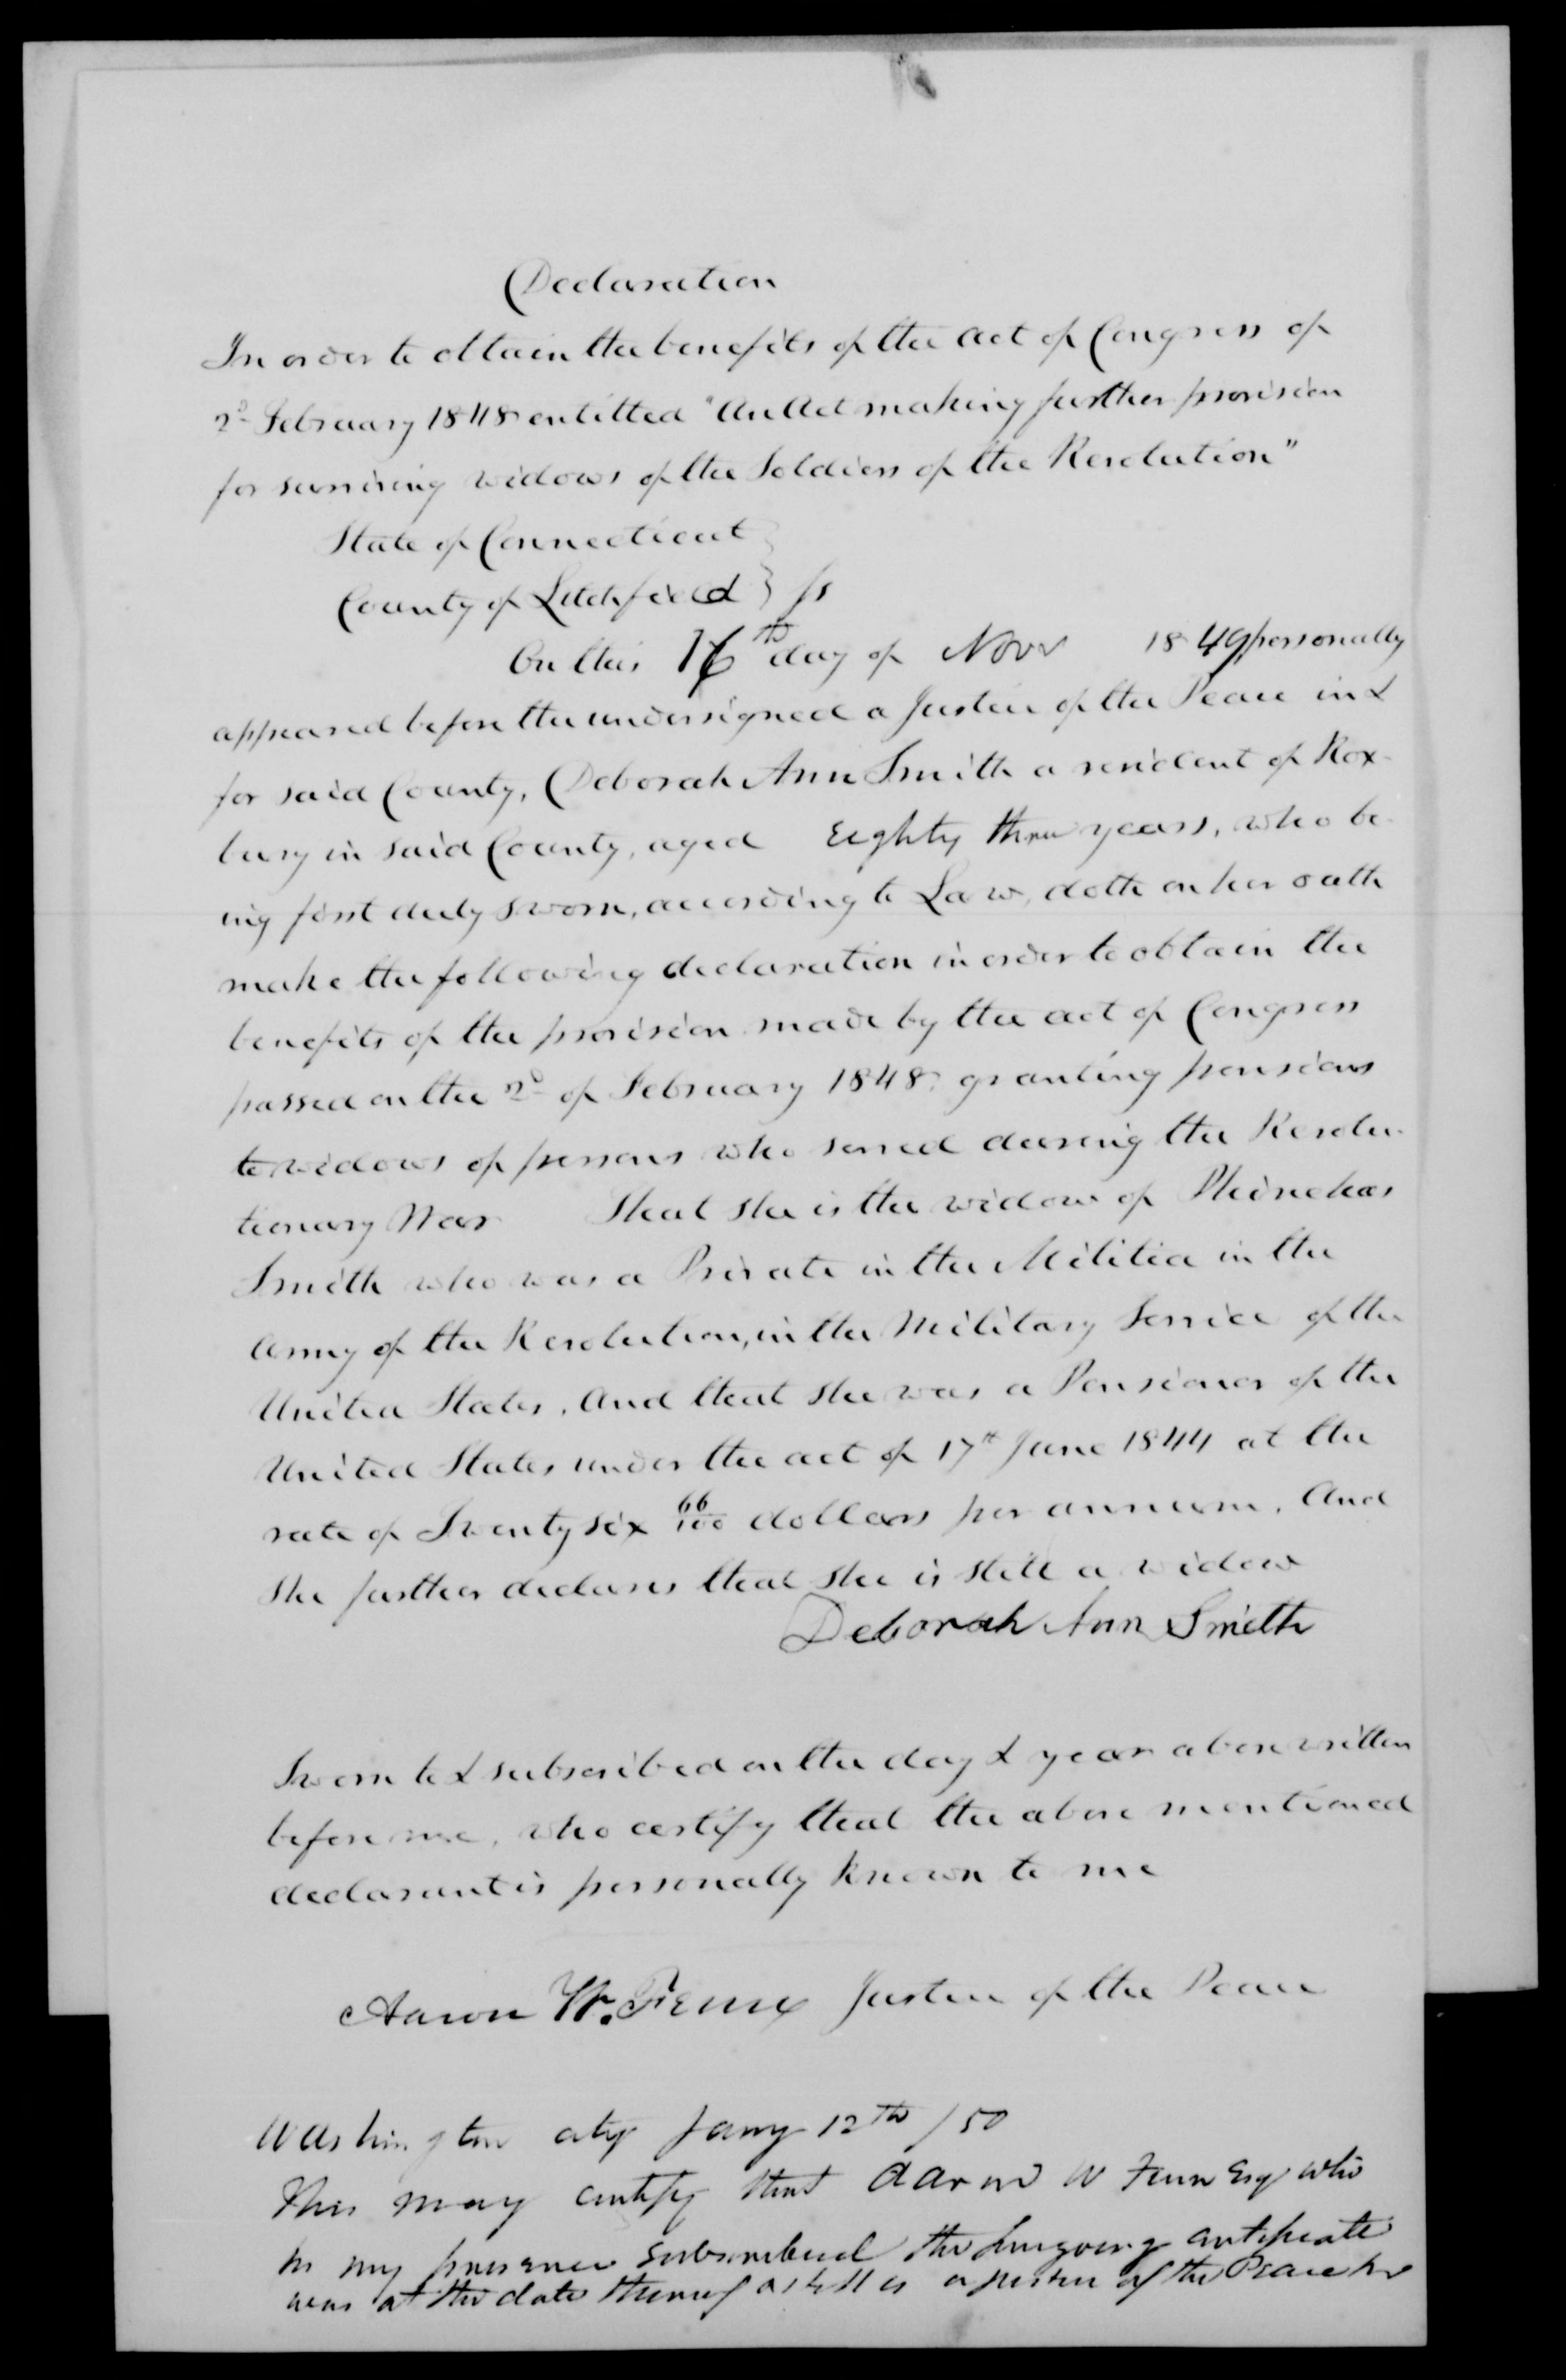Declaration 
In order to obtain the benefits of the act of Congress of 2d February 1848 entitled "An Act making further provision for pensioning widows of the Soldiers of the Revolution.” 
State of Connecticut 
County of Litchfield } ss 
On this 16th day of Novr 1849 personally appeared before the undersigned a Justice of the Peace in for said County, Deborah Ann Smith a resident of Roxbury in said County, aged Eighty three years, who being first duly sworn, according to Law, doth on her oath make the following declaration in order to obtain the benefits of the provision made by the act of Congress passed on the 2d of February 1848 granting pensions to widows of persons who sand during the Revolutionary War, that she is the widow of Phinehas Smith who was a Private in the Militia in the army of the Revolution, in the Military service of the United States, and that she was a pensioner of the United States under the act of 17th June 1844 at the rate of Twenty six 66/100 dollars per annum. And she further declares that she is still a widow.   
Deborah Ann Smith 
Sworn to & subscribed on the day & year above written before me who certify that the above mentioned declarant is personally known to me.   
Aaron W. Fenn Justice of the Peace 
Washington City Jany 12th / 50 
This may certify that Aaron W Fenn Esq who in my presence subscribed the foregoing certificate was at the date thereof [unreadable] Justice of the Peace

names: Phinehas Smith; Aaron W Fenn; Deborah Ann Smith; Deborah Ann Smith; Aaron W Fenn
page: 43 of 55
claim: widow's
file: W. 11480, for Phinehas Smith, Connecticut